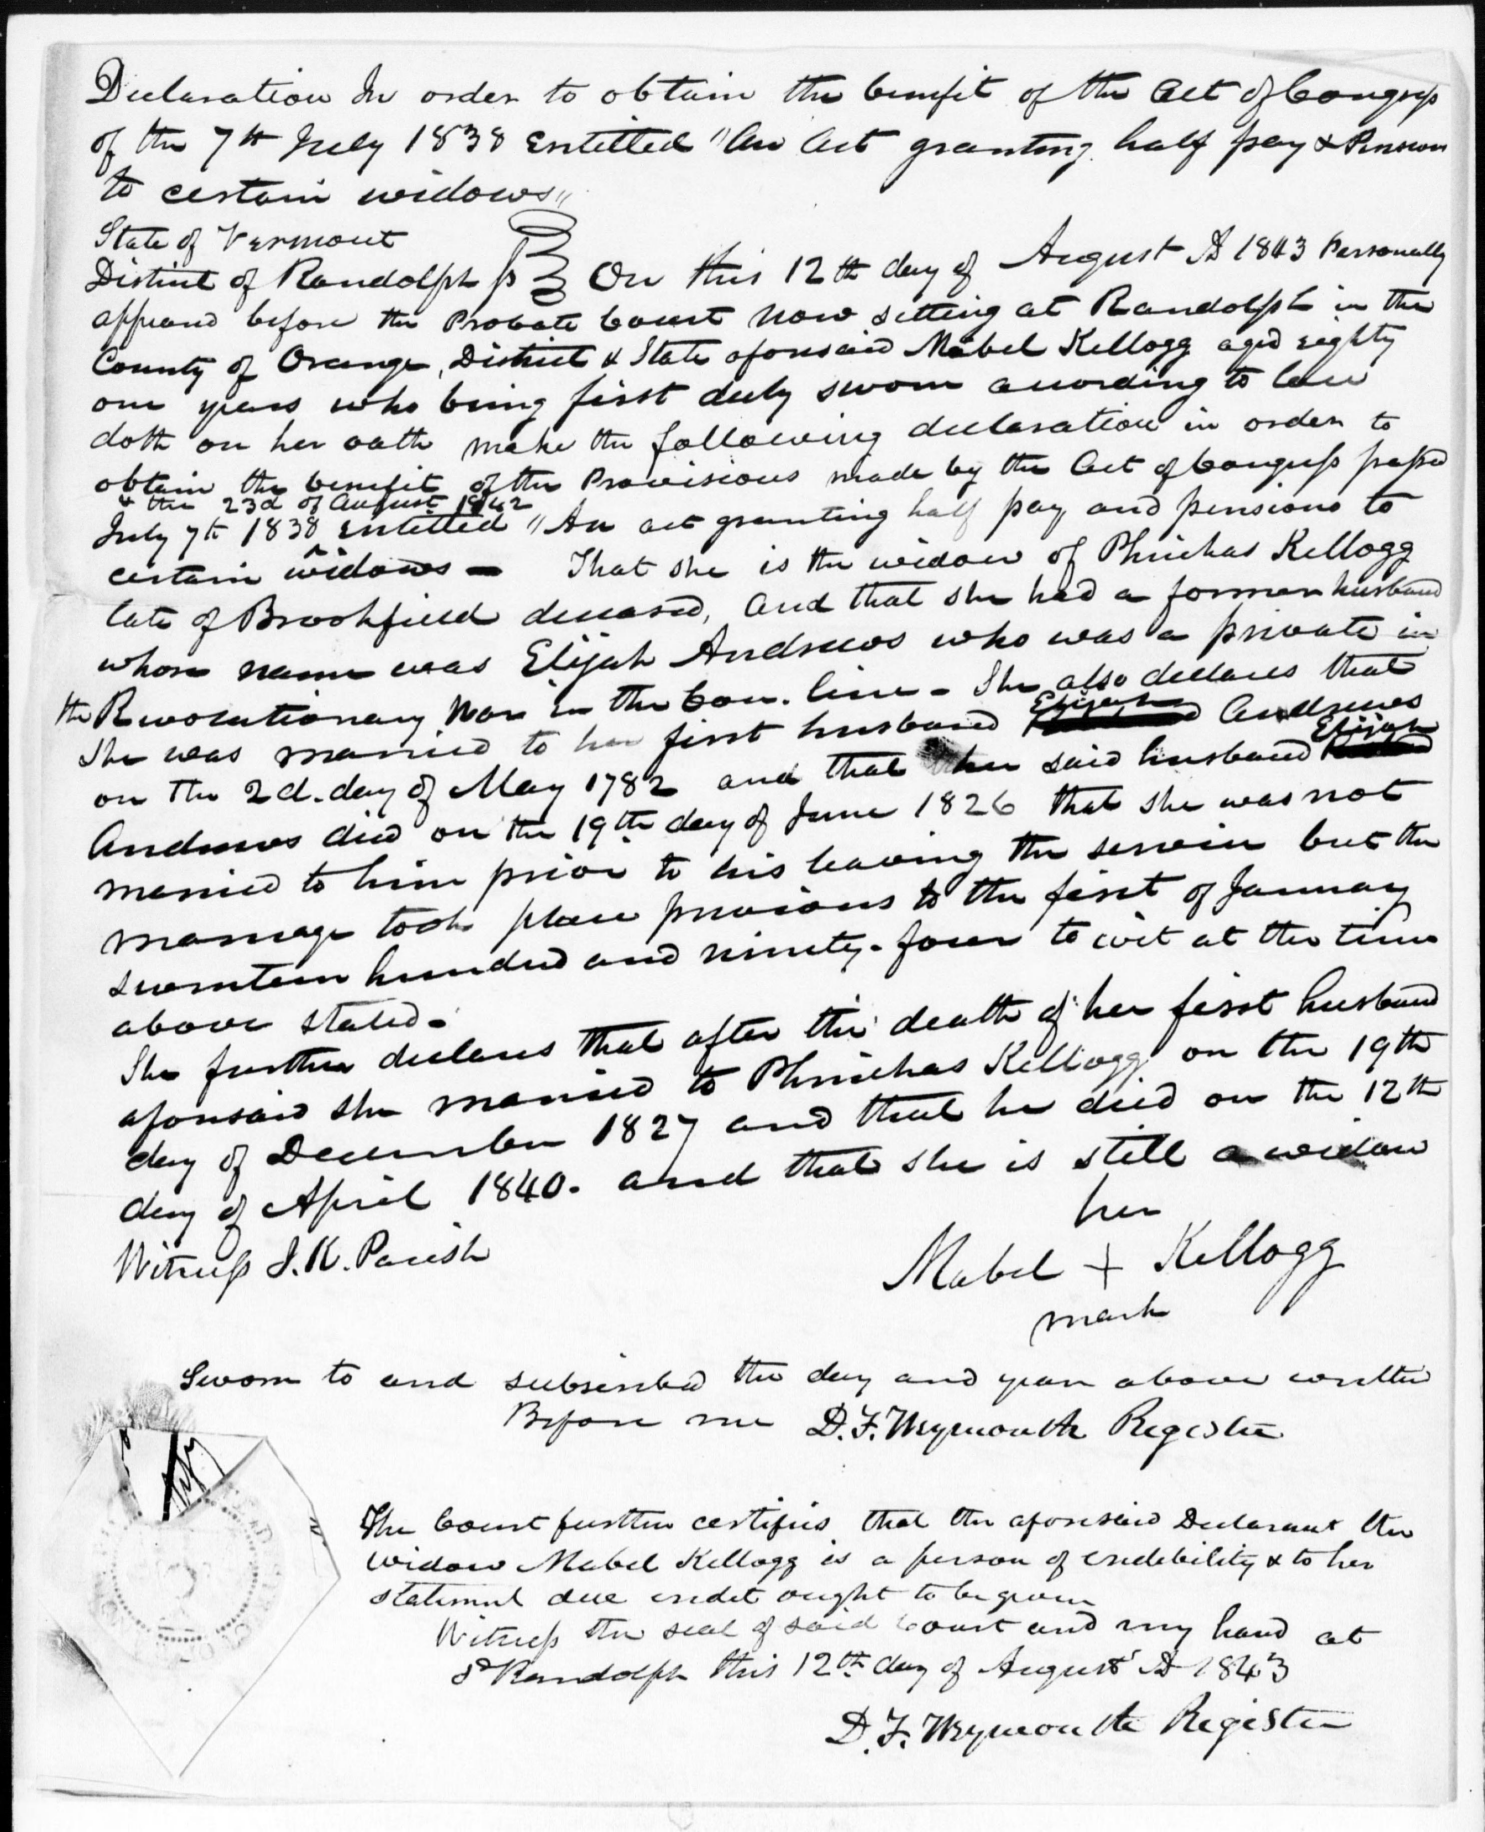Declaration in order to obtain the benefit of the act of Congress of the 7th July 1838 entitled "An Act granting half pay & Pensions to certain widows"

State of Vermont

District of Randolph / On this 12th day of August AD 1843 personally appeared before the Probate Court now sitting at Randolph in the County of Orange, District & State aforesaid Mabel Kellogg aged eighty one years who being first duly sworn according to law doth on her oath make the following declaration in order to obtain the benefit of the provisions made by the Act of Congress passed July 7th, 1838 & the 23d of August 1842  entitled "An act granting half pay and pensions to certain widows - That she is the widow of Phiuhas Kellogg late of Brookfield deceased, and that she had a former husband whose name was Elijah Andrews who was a private in the Revolutionary war in the conn. Line. She also decares that she was married to his first husband Elijah Andrews on the 2d. day of May 1782 and that her said husband Elijah Andrews died on the 19th day of June 1826 that she was not married to him prior to his leaving the service but the
marriage took place previous to the first of January Seventeen hundred and ninety-four to wit at the time above stated.
She further declares that after the death of her first husband aforesaid she married to Phiuhas Kellogg on the 19th
day of December 1827 and that he died on the 12th day of April 1840. and that she is still a widow

Witness J. K. Parish
her
Mabel Kellogg
mark

(Seal of Register)
Sworn to and subscribed the day and year above written
Before me D.F. Weymouth Register

The Court further certifies that the aforesaid Declarant the widow Mabel Kellogg is a person of credibility & to her statement due credit ought to be given
Witness the seal of said Court and my hand at Randolph this 12th day of August AD 1843
D. F. Weymouth Register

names: Phiuhas Kellogg, D F Weymouth, Mabel Kellogg, Elijah Andrews, D F Weymouth, Elijah Andrews, Phinehas Kellogg, J K Parish, Mabel Kellogg, Mabel Kellogg, Elijah Andrews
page: 2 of 19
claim: rejected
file: R. 5836, Elijah Andrews, Conn.